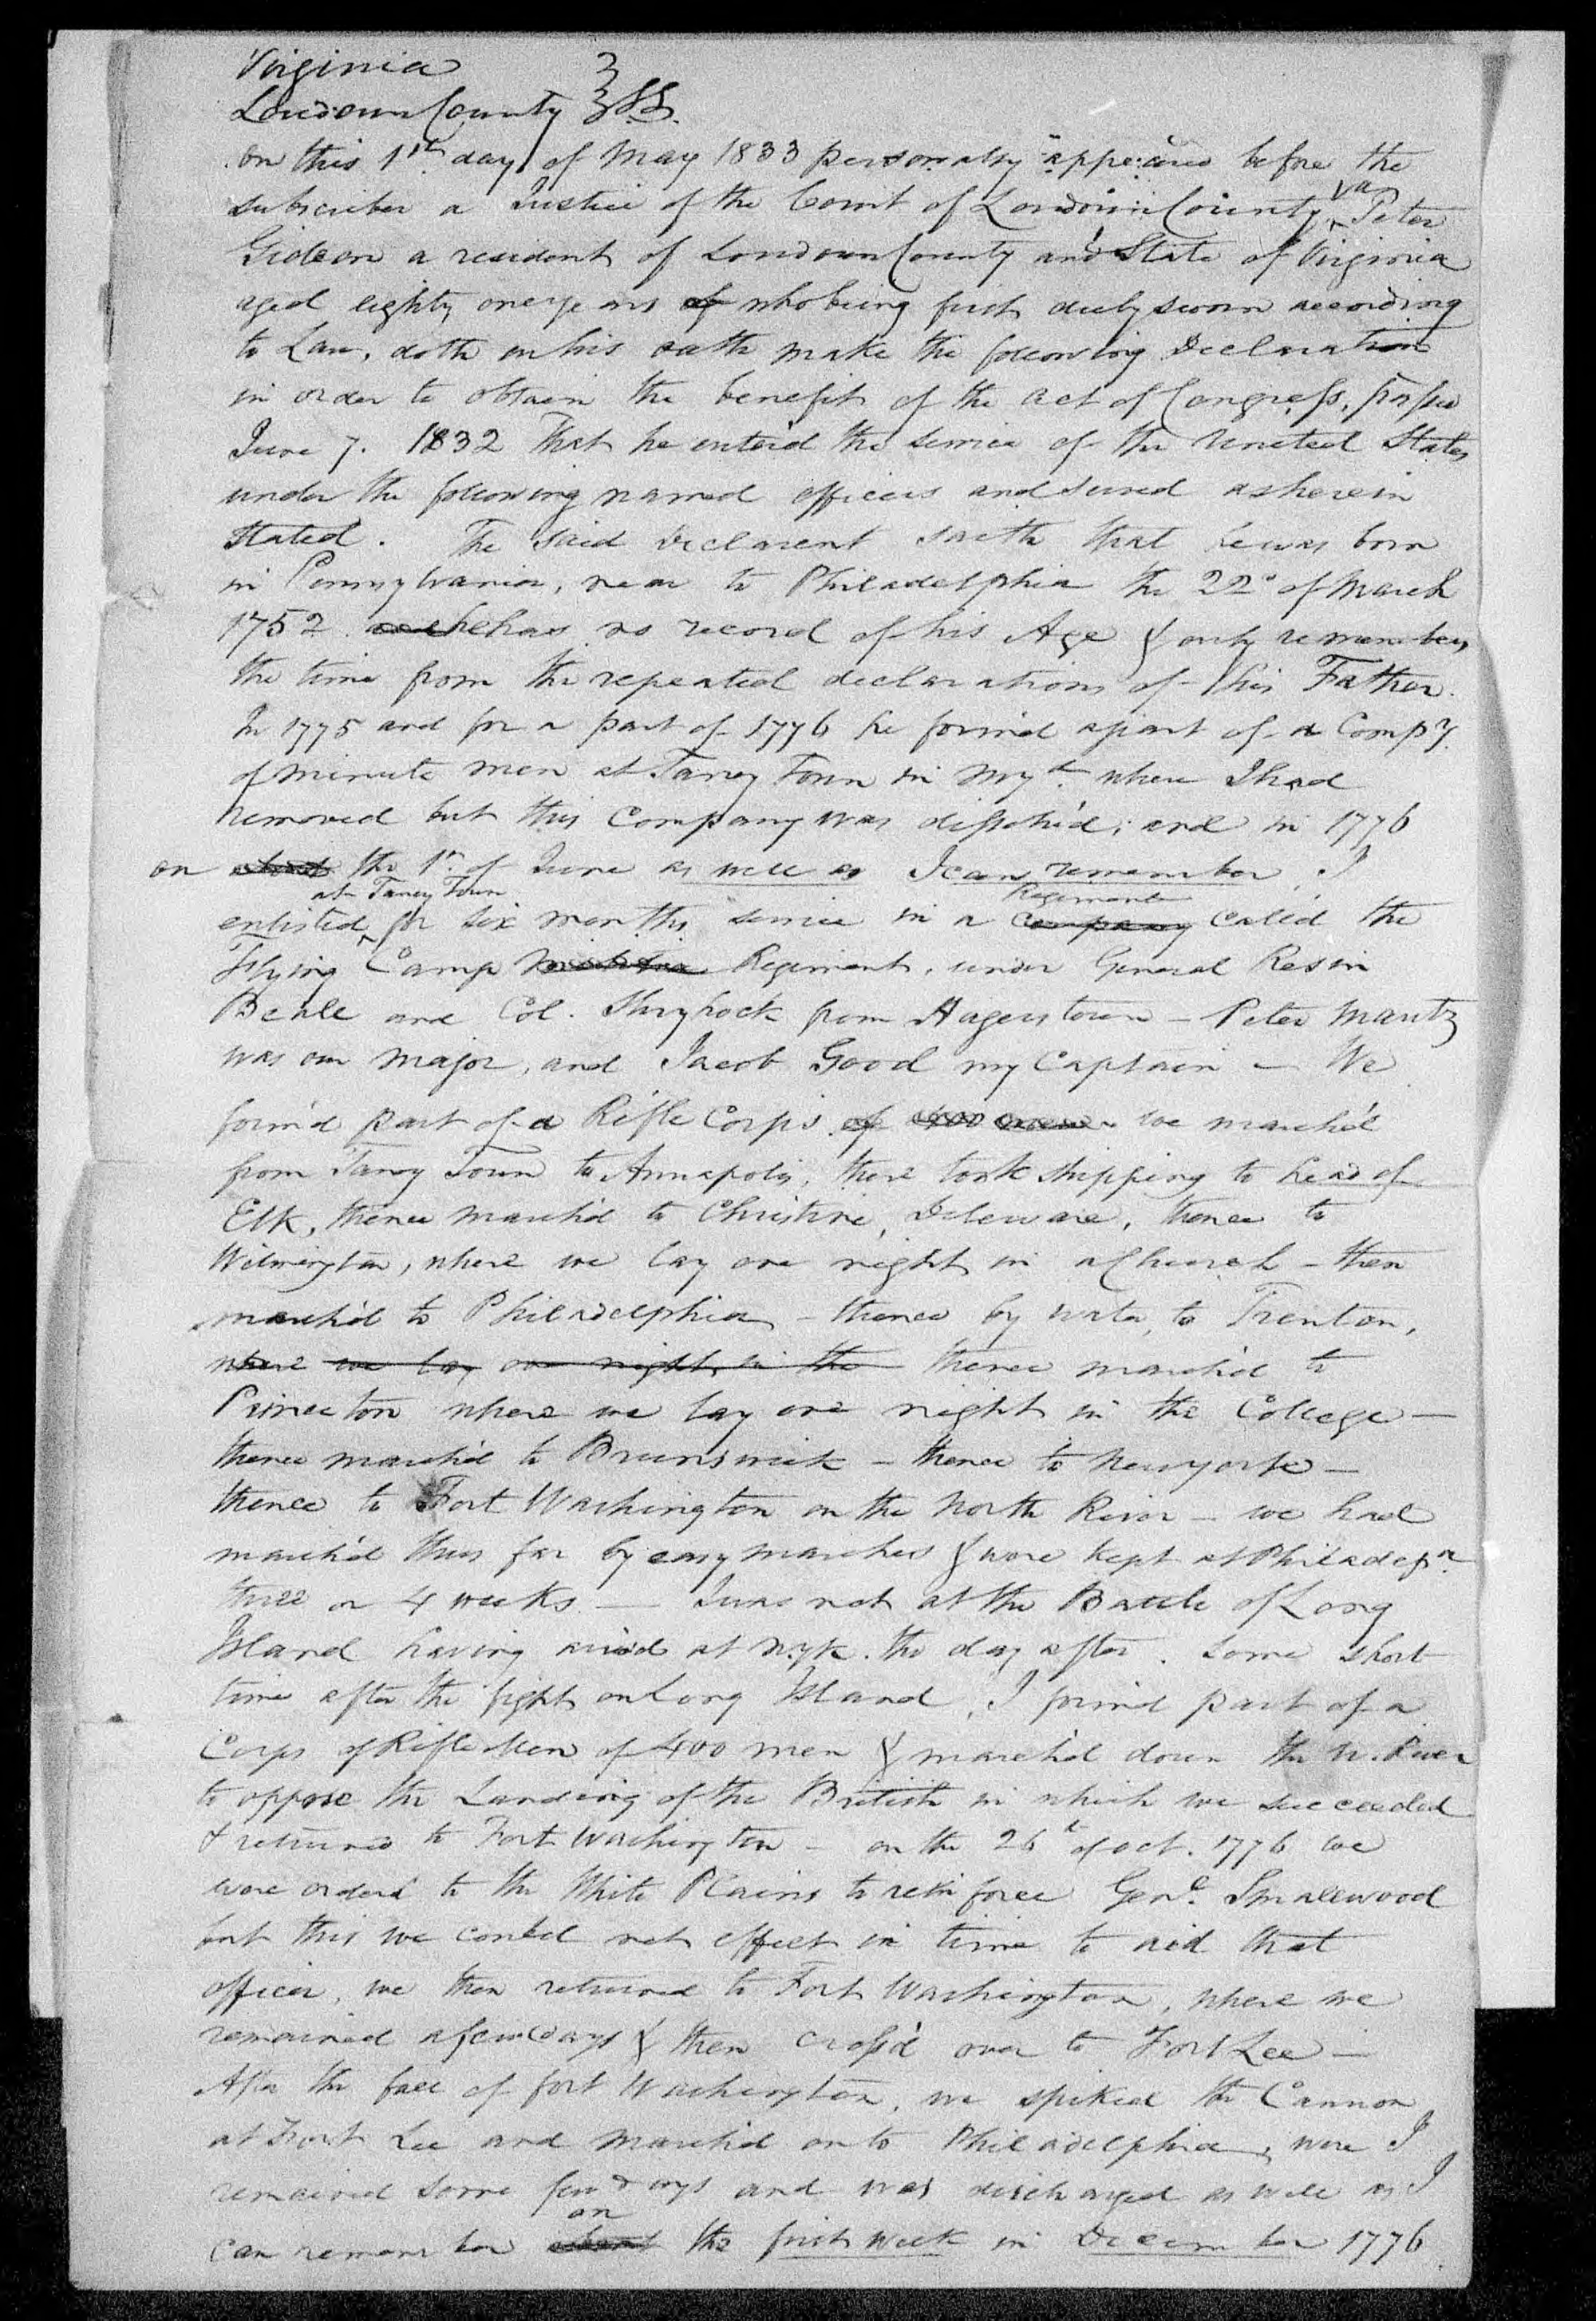Virginia }
Loudoun County } SS.

On this 1st day of May 1833 personally appeared before the
subscriber a Justice of the Court of Loudoun County Va. Peter
Gideon a resident of Loudoun County and State of Virginia
aged eighty one years [word struck out] who being first duly sworn according
to law, doth on his oath make the following Declaration
in order to obtain the benefit of the act of Congress passed
June 7, 1832.  That he enter'd the service of the United States
under the following named officers and served as herein
stated.  The said Declarant saith that he was born
in Pennsylvania, near to Philadelphia the 22d of March
1752 [word struck out] he has no record of his age & only remembers
the time from the repeated declarations of his father.
In 1775 and for a part of 1776 he form'd a part of a compy
of minute men at Taney Town in Myd. where I had
removed but this company was [illegible]; and in 1776
on [word struck out] the 1st of June as well as I can remember I
enlisted at Taney Town for six months service in a [struck out: Company] regiment called the
Flying Camp [words struck out] Regiment under General Resin
Beale and Col. Shryhock from Hagerstown, Peter Mantz
was our major and Jacob Good my captain.  We
form'd part of a rifle corps [words struck out].  We march'd
from Taney Town to Annapolis there took shipping to head of
Elk, thence march'd to Christine, Delaware, thence to
Wilmington, were we lay one night in a church, then
march'd to Philadelphia.  Thence by water to Trenton
[words struck out] thence march'd to
Princeton were we lay one night in the college,
thence march'd to Brunswick, thence to New York,
thence to Fort Washington on the North River.  We had
march'd thus far [illlegible] marches & were kept at Philadepa.
three or 4 weeks.  I was not at the Battle of Long 
Island having arrived at N.Y.K. the day after.  Some short
time after the fight on Long Island, I form'd part of a
corps of rifle men of 400 men & march'd down the N. River
to oppose the landing of the British in which we succeeded
& returned to Fort Washington.  On the 26th of Oct. 1776 we
were ordered to the White Plans to reinforce Genl. Smallwood
but this we could not effect in time to aid that
offer.  We then returned to Fort Washington where we
remained a few days & then cross'd over to Fort Lee.
After the fall of Fort Washington, we spiked the cannon
at Fort Lee and march'd on to Philadelphia, were I
remained some few days and was discharged as well as I
can remember [word struck out] on the first week in December 1776.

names: Jacob Good, Peter Mantz, Peter Gideon, Shryhock, Smallwood, Resin Beale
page: 6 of 64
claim: survivor's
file: S. 6887, Peter Gideon, Md.